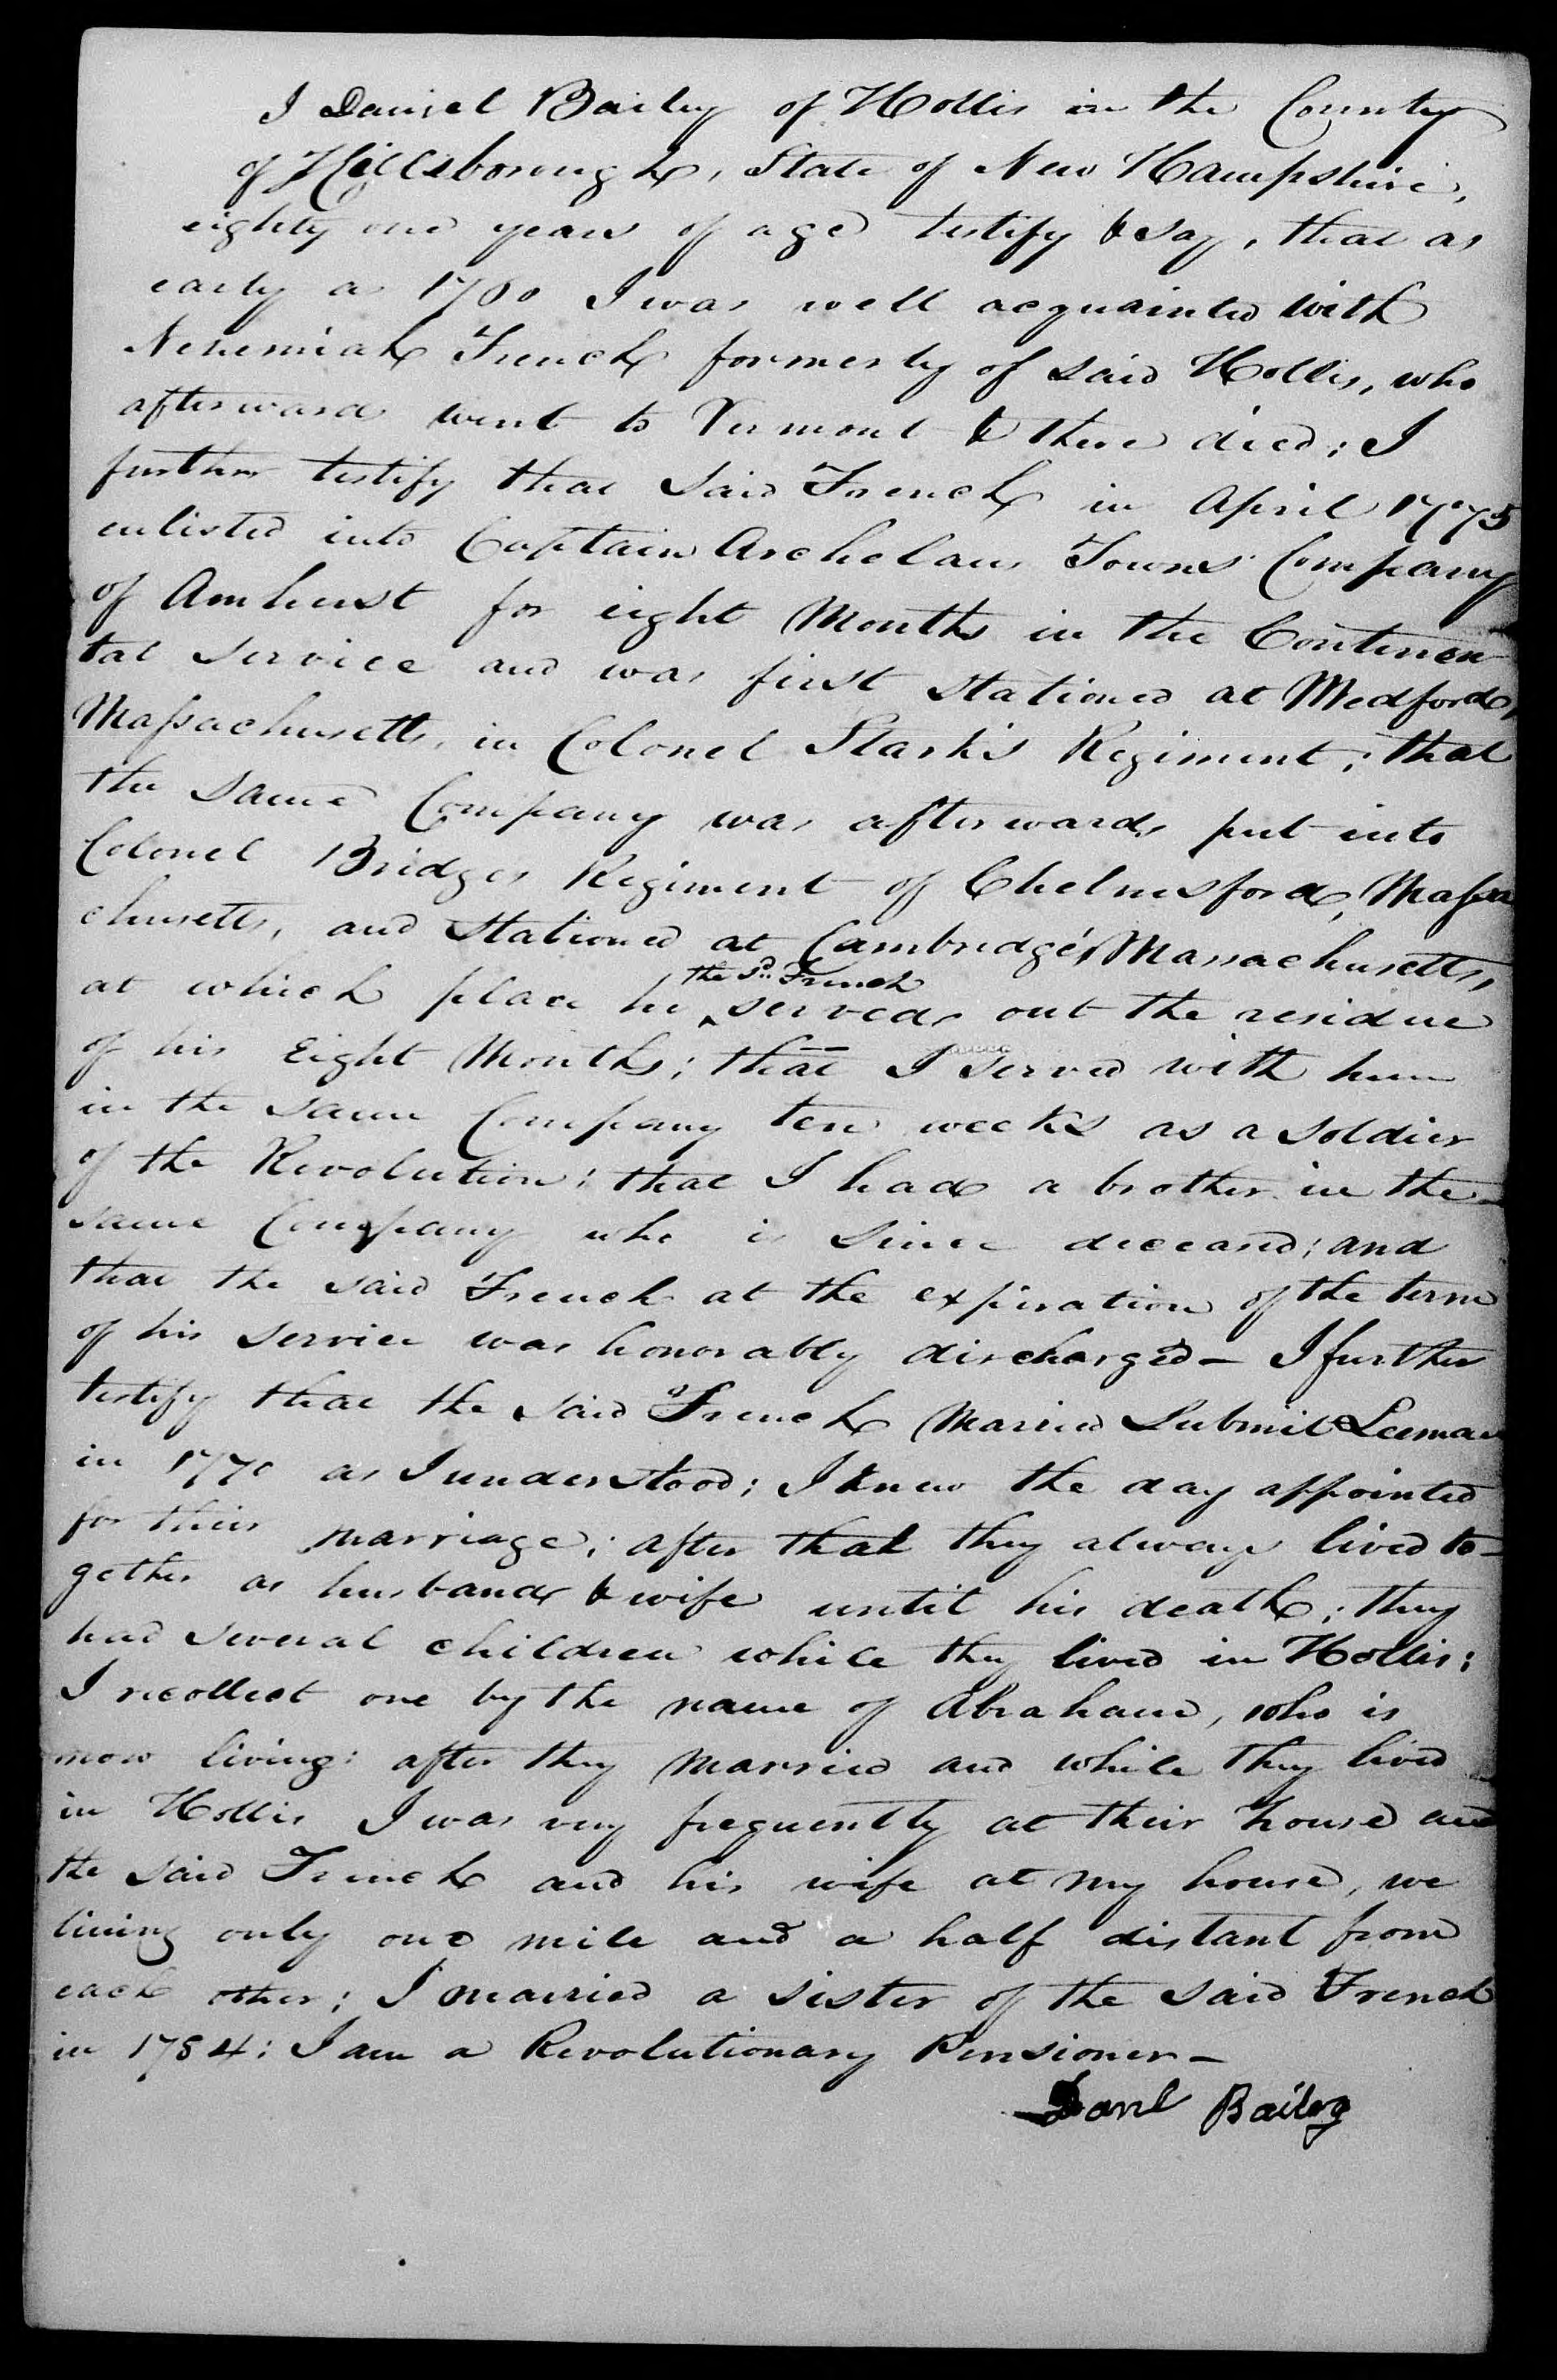I Daniel Bailey of Hollis in the County of Hillsborough, State of New Hampshire, eighty one years of age testify & say that as early as 1760 I was well acquainted with Nehemiah French, formerly of said Hollis, who afterward went to Vermont & there died:  I further testify that Said French in April 1775 enlisted into Captain Archilaus Towns Company of Amherst for eight months in the Continental service and was first stationed at Medford, Mafsachusetts, in Colonel Stark's Regiment:  that the same Company was afterwards put into Colonel Bridge's Regiment of Chelnersford, Mafsachusetts, and stationed at Cambridge, Massachusetts, at which place he the s'd French served out the residue of his Eight months:  that I served with him in the same Company ten weeks as a soldier of the Revolution:  that I had a brother in the same Company who is since deceased:  and that the said French at the expiration of the term of his service was honorably discharged--I further testify that the said French married Submit Luman in 1770 as I understood:  I knew the day appointed for their marriage:  after that they always lived together as husband & wife until his death:  they had several children while they lived in Hollis:  I recollect one by the name of Abraham, who is now living:  after they married and while they lived in Hollis I was very frequently at their house and the said French and his wife at my house, we living only one mile and a half distant from each other:  I married a sister of the said French in 1784:  I am a Revolutionary Pensioner--
Danl Bailey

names: Danl Bailey, French, French, Daniel Bailey, Submit Luman, French, French, Nehemiah French, French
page: 16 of 18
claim: widow's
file: W. 21,147, Nehemiah French, Mass. Or N.H.